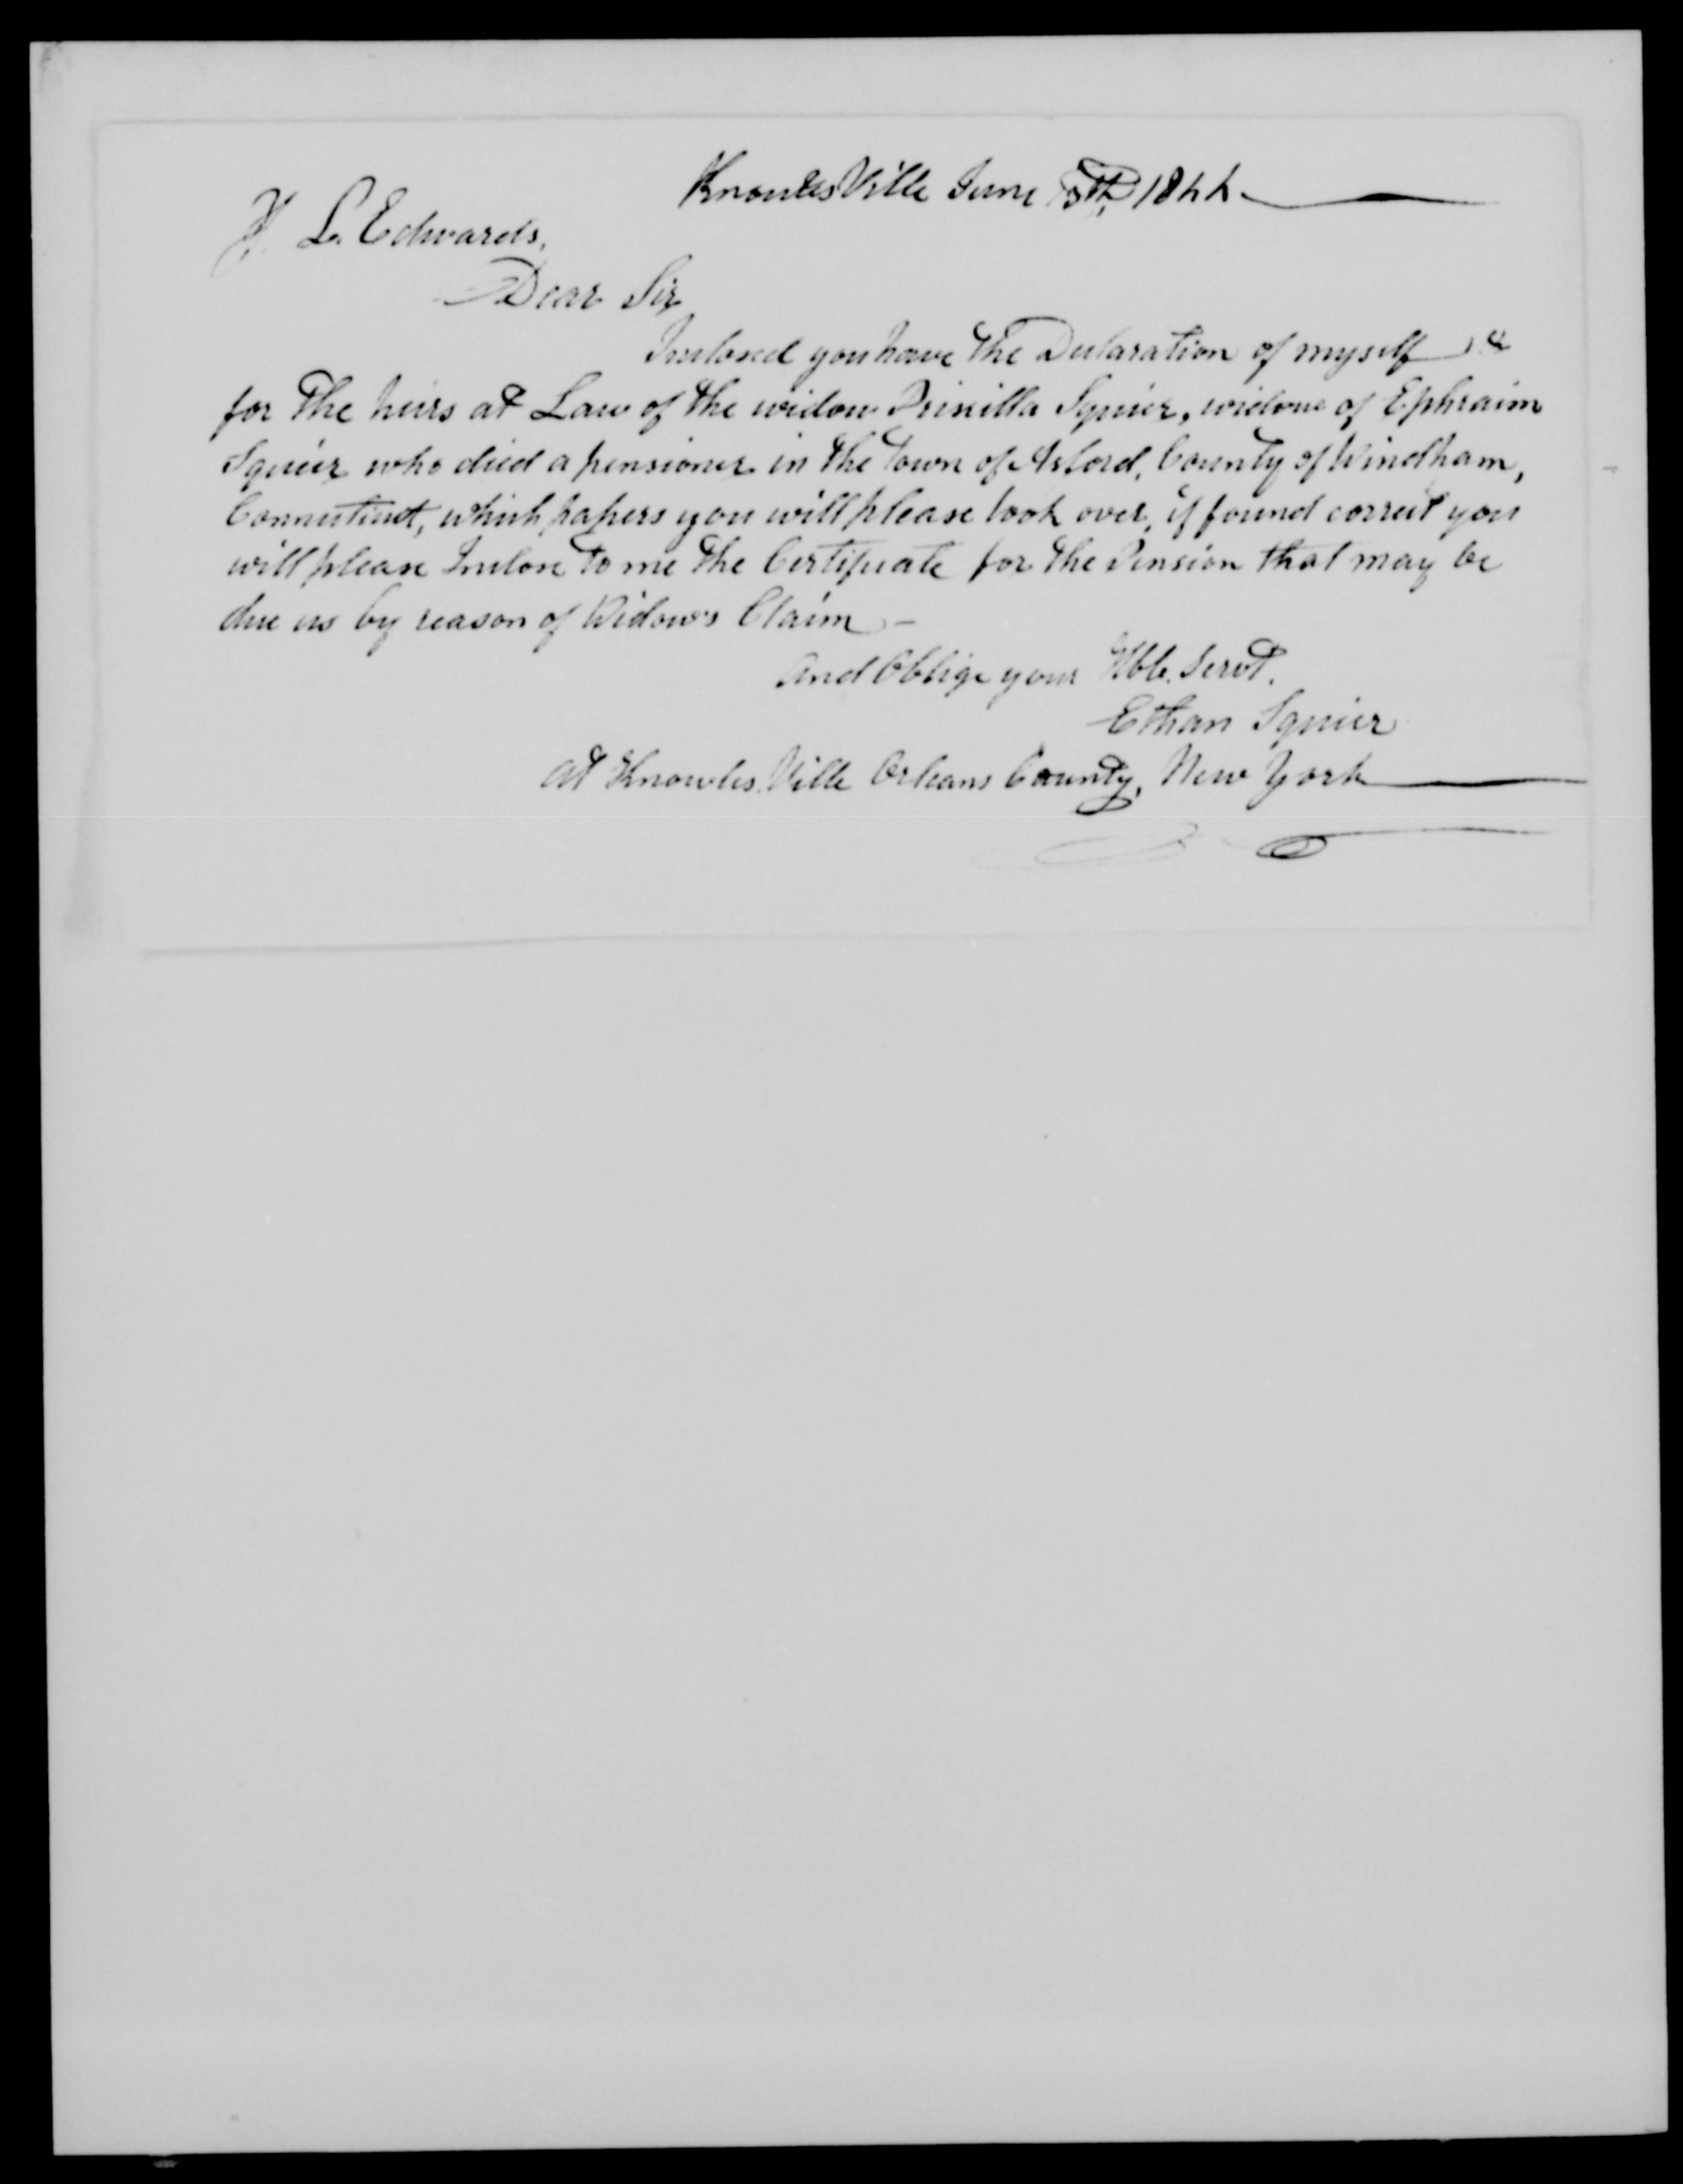Knowlesville June 13th, 1822

J.L Edwards
Dear Sir, 
 Enclosed you have the Declaration of myself, & for the heirs at Law of the widow Prissilla Squier, widow of Ephraim Squier who died a pensioner in the Town of Ashford, County of Windham, Connecticut, which papers you will please look over, if found correct you will please  Inform to me the Certificate for the Pension that may be due us by reason of Widows Claim. 
and oblige your Noble Servant,
Ethan Squier
at Knowslesville Orleans County, New York.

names: Ephraim Squier; Prissilla Squier; J L Edwards; Ethan Squier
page: 45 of 70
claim: rejected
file: R. 10,026, for Ephraim Squier, Connecticut